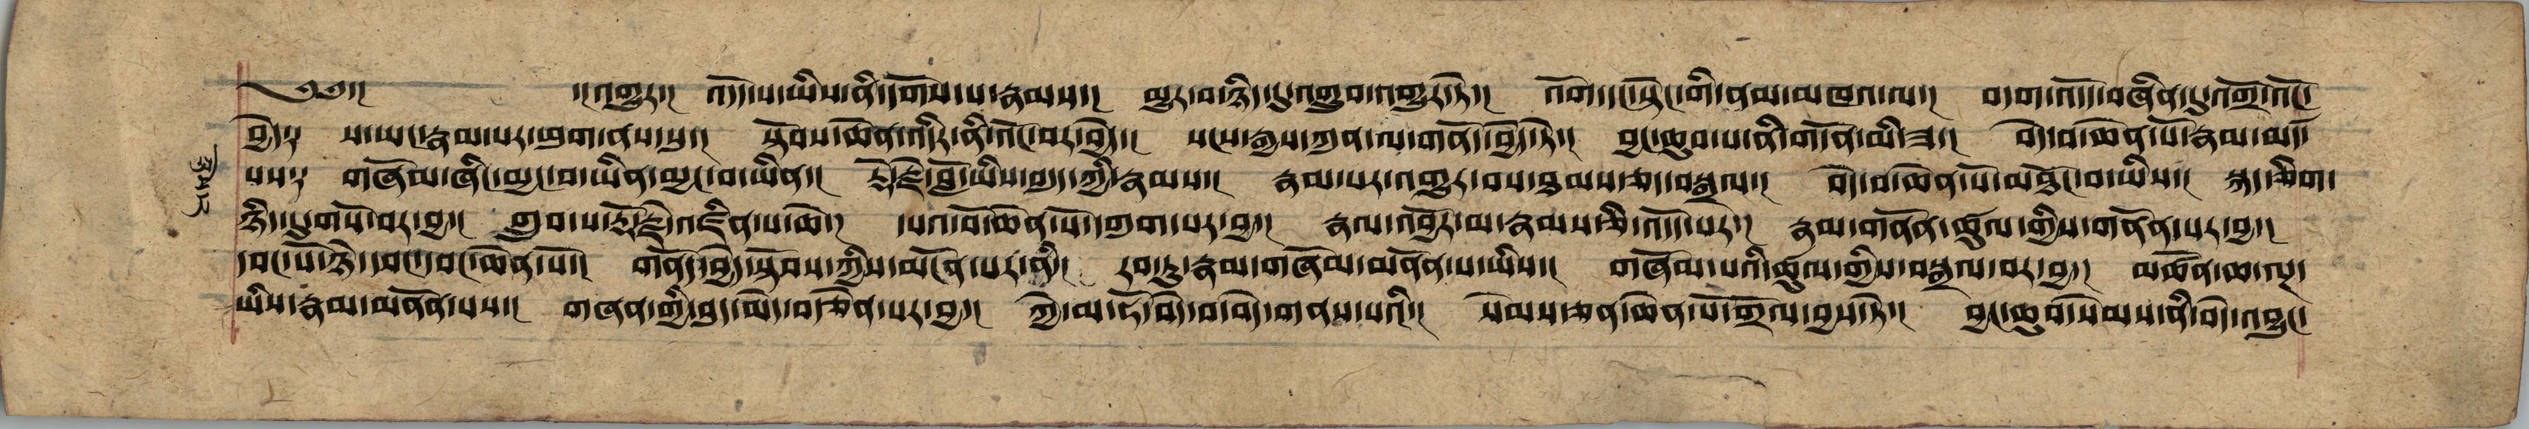༄༅་། ་།འགྱུར་། འདོད་པ་ཡིས་ནི་དགོས་པ་རྣམས་། མྱུར་བ་ཉིད་དུ་འགྲུབ་འགྱུར་ཏེ་། འོག་དང་སྟེང་གི་ནམ་མཁའ་ལ་། བདག་འདོད་བཞིན་དུ་འགྲོ་འོང་
བྱེད༑ ས་ཡང་རྣམ་པར་ཕུག་ནས་སུ་། སྟོབས་ཆེན་འདིར་ནི་འོང་བར་བྱེད་། སངས་རྒྱས་ཀུན་ལ་གནོད་བྱེད་ཏེ་། བྱང་ཆུབ་པ་ནི་གདོན་མི་ཟ་། བདེ་བ་ཆེན་པོ་རྣམ་མཛད་
པས།༑ གཞོམ་ཞིང་མྱང་བ་ཡིན་མྱང་བ་ཡིན་། རྡོ་རྗེ་བློ་ཡིས་བདུད་ཀྱི་རྣམས་། རྣམ་པར་འགྱུར་བས་ཐམས་ཅད་བསྒྲལ་། བདེ་བ་ཆེན་པོ་མཐོང་བ་ཡིས་། སྐད་ཅིག་
ཉིད་དུ་གསོ་བར་བྱ་། གྲུབ་པ་རྡོ་རྗེ་འཛིན་པ་ཆེ་། དཔའ་བོ་ཆེན་པོ་དགུག་པར་བྱ་། རྣལ་འབྱོར་མ་རྣམས་ཅི་འདོད་པར་། རྣམ་གནོན་ཚུལ་གྱིས་གནོན་པར་བྱ་།
དབང་པོ་ཉེ་དབང་དབང་ཆེན་པོ་། གནོད་བྱེད་སྟོབས་ཀྱིས་མངོན་པར་ནི་། རབ་ཏུ་རྣམ་གཞོམ་མནོན་པ་ཡིས་། གཞོམ་པའི་ཚུལ་གྱིས་བསྒྲལ་བར་བྱ་། མཚོན་ཆ་ལྔ་
ཡིས་རྣམ་མནོན་པས་། གཞན་གྱི་བུད་མེད་བརྩེན་པར་བྱ་། ཀྱེ་མ་ཧོ་བདེ་བ་བདེ་གནས་པའི་། སེམས་ཅན་ཆེན་པོ་གྲོལ་བྱས་ཏེ་། བྱང་ཆུབ་སེམས་ནི་བདེ་འབྱུང་